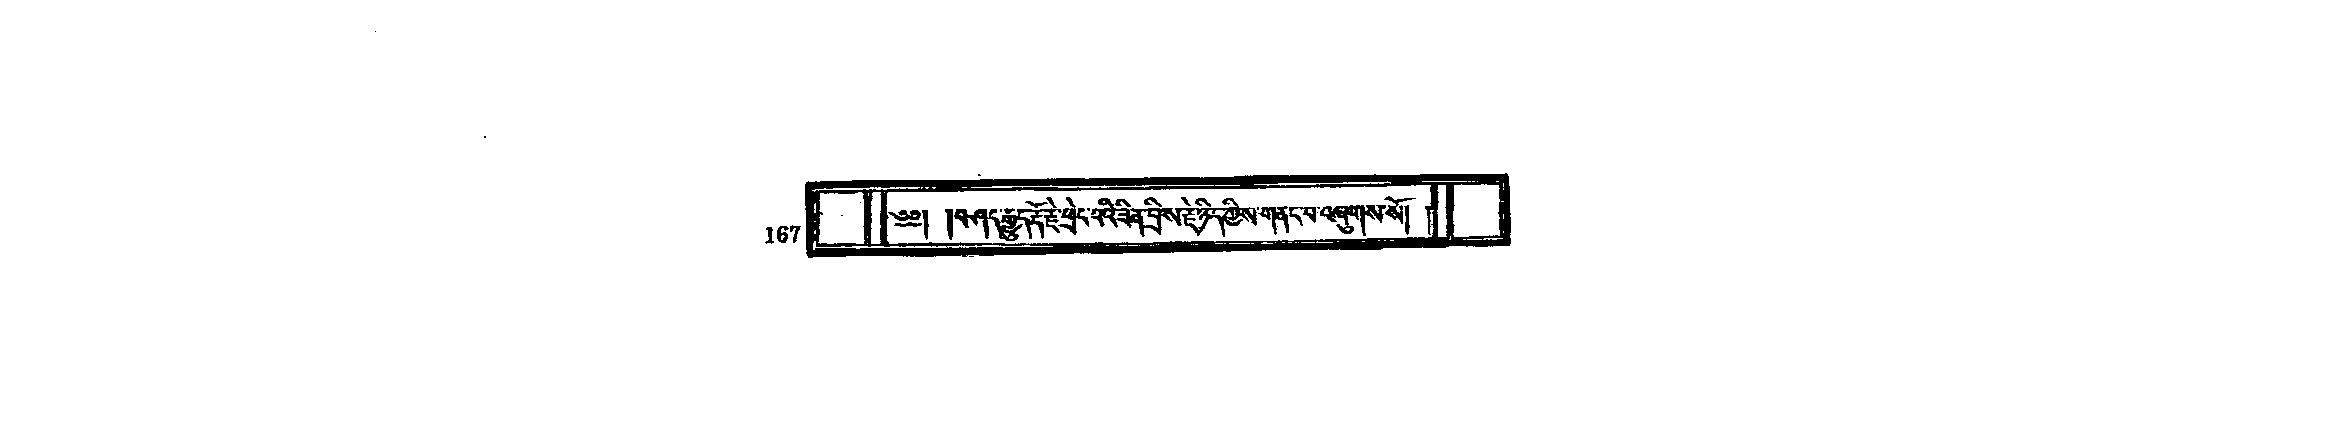༄༅། །བཤད་རྒྱུད་རྡོ་རྗེ་ཕྲེང་བའི་ཟིན་བྲིས་རྗེ་ཉིད་ཀྱིས་གནང་བ་བཞུགས་སོ། །